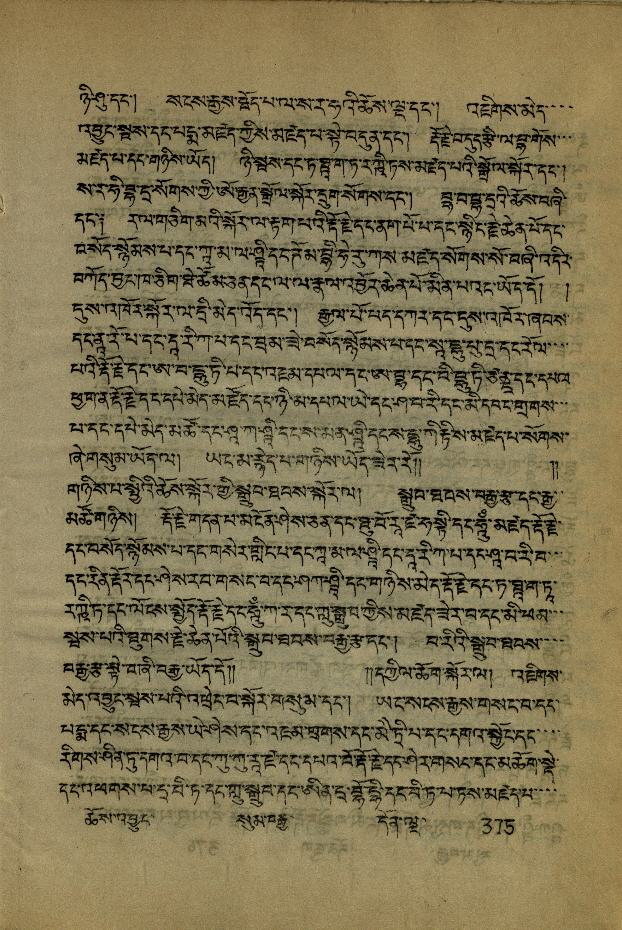ཉི་ཤུ་དང་། སངས་རྒྱས་ཐོད་པ་ལས་ར་ཧའི་ཆོས་ལྔ་དང་། འཇིགས་མེད་
འབྱུང་སྦས་དང་པདམ་མཛད་ཀྱིས་མཛད་པ་སྟེ་བདུན་དང་། རྡོ་རྗེ་བདུད་རྩི་ལ་བྷ་གོས་
མཛད་པ་དང་གཉིས་ཡོད། ཉི་སྦས་དང་ཏ་ཐཱ་ག་ཏ་རཀྵི་ཏས་མཛད་པའི་སྒྲོ་ལ་སྐོར་དང་།
ས་ར་ཧི་བྷ་དྲ་སོགས་ཀྱི་ཨོ་རྒྱན་སྒྲོལ་སྐོར་དྲུག་སོགས་དང་། བྷ་བ་བྷ་དྲའི་ཆོས་བཞི་
དང༑ རལ་གཅིག་མའི་སྐོར་ལ་རྟག་པའི་རྡོ་རྗེ་དང་མག་པོ་པ་དང་སྙིང་རྗེ་ཆེན་པོ་དང་
བསོད་སྣུ་ཡོམས་པ་དང་ཀཱ་མ་ལ་ཤྲཱི་དང་ཌོམ་བྷི་ཧེ་རུ་ཀས་མཛད་སོགས་སོ་བཞི་འདིར་
བཀོད་བྱང་ཁ་ཅིག་ཐེ་སོམ་ཅན་དང་ལ་ལ་རྣལ་བྱོར་ཆེན་པོ་མིན་པའང་ཡོད་དོ། །
དུས་འཁོར་སྐོར་ལ་དྲི་མེད་འོད་དང་། རྒྱལ་པོ་པད་དཀར་དང་དུས་འཁོར་ཞབས་
དང་ནཱ་རོལ་པ་དང་དཱ་རི་ཀ་པ་དང་བྲམ་ཟེ་བསོད་སྙོམས་པ་དང་སཱ་དྷུ་པུ་དྲ་དང་རོལ་
པའི་རྡོ་རྗེ་དང་ཨ་བ་དྷུ་ཏི་པ་དང་འཇམ་དཔལ་དང་ཨ་བྷ་དང་བི་བྷུ་ཏི་ཙནྡྲ་དང་དཔལ་
ཕྱག་ན་རྡོ་རྗེ་དང་དཔེ་མེད་མཛོད་དང་ཉི་མ་དཔལ་ཡེ་དང་ཤ་བ་རི་དང་མི་དབང་གྲགས་
པ་དང་དཔེ་མེད་མཚོ་དང་ཤཱ་ཀ་ཤྲཱི་དང་ས་མན་ཤྲཱི་དན་ས་དྷུ་ཀིརྟིས་མཛད་པ་སོགས་
ཞེ་གསུམ་ཡོད་ལ། ཡང་མ་རྙེད་པ་གཉིས་ཡོད་ཟེར་རོ།། །།
གཉིས་པ་སྤྱིའི་ཆོས་སྐོར་གྱི་སྒྲུབ་ཐབས་སྐོར་ལ། སྒྲུབ་ཐབས་བརྒྱ་རྩ་དང་རྒྱ་
མཚོ་གཉིས། རྡོ་རྗེ་གན་པ་མངོན་ཤེས་ཅན་དང་ཐུ་བོ་རཱ་ཛ་ཧ་སྟི་དང་ཧཱུཾ་མཛད་རྡོ་རྗེ་
དང་བསོད་སྙོམས་པ་དང་གསེར་གླིང་པ་དང་ཀཱ་མ་ལ་ཤྲཱི་དང་དཱ་རི་ཀ་པ་དང་ཤཱ་བ་རི་བ་
དང་རིན་རྡོར་དང་ཤེས་རབ་གསང་བ་དང་ཤ་ཀ་ཤྲཱི་དང་གཉིས་མེད་རྡོ་རྗེ་དང་ཏ་ཐཱ་ག་ཏཱ་
རཀྵི་ཏ་དང་ལོངས་སྤྱོད་རྡོ་རྗེ་དང་ཧཱུཾ་ཀ་ར་དང་ཀླུ་སྒྲུབ་ཀྱིས་མཛད་ཟེར་བ་དང་མི་ཕམ་
སྦས་བའི་ཐུགས་རྗེ་ཆེན་པོའི་སྒྲུབ་ཐབས་བརྒྱ་རྩད་དང་། བ་རིའི་སྒྲུབ་ཐབས་
བརྒྱ་རྩ་སྟེ་བཞི་བརྒྱ་ཡོད་དོ།། །།དཀྱིལ་ཆོག་སྐོར་ལ། འཇིགས་
མེད་འབྱུང་སྦས་པའི་འཕྲེང་བ་སྐོར་གསུམ་དང་། ཡང་སངས་རྒྱས་གསང་བ་དང་
པདམ་དང་སངས་རྒྱས་ཡེ་ཤེས་འཇམ་གྲགས་དང་མཻ་ཏྲི་པ་དང་དགའ་སྐྱོང་དང་
རིགས་ཤིང་ཏུ་དགའ་བ་དང་ཀུ་རུ་རཱ་ཛ་དང་དཔའ་བོ་རྡོ་རྗེ་དང་ཤེར་གསང་དང་མཆོག་སྡེ་
དང་འཕགས་པ་དྲ་བི་ཏ་དང་ཀླུ་སྒྲུབ་དང་ཨིན་དྲ་བྷོ་དྷི་དང་བི་ཏ་པ་ཏས་མཛད་པ་